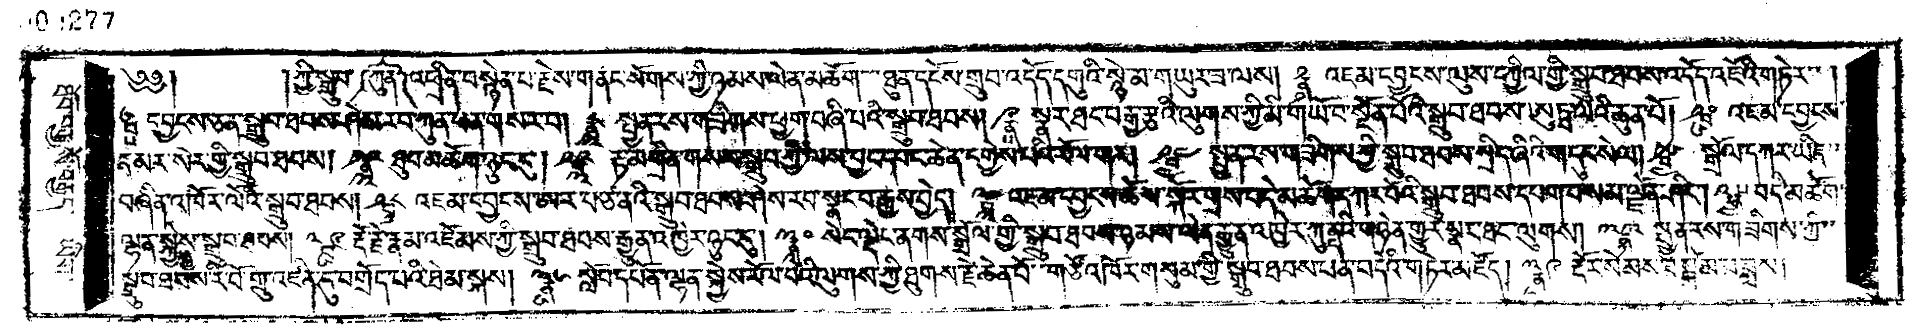༄༅། །ཀྱི་སྒྲུབ ༼ཀུན༽ འཕྲིན་བསྙེན་པ་རྗེས་གནང་སོགས་ཀྱི་ཉམས་ལེན་མཆོག་ཐུན་དངོས་གྲུབ་འདོད་དགུའི་སྙེ་མ་གཡུར་ཟ་ལས། ༡ན༡་འཇམ་དབྱངས་ལུས་དཀྱིལ་གྱི་སྒྲུབ་ཐབས་འདོད་འཇོའི་གཏེར་
༦བ༥་དབྱངས་ཅན་སྒྲུབ་ཐབས་ཤེས་རབ་ཀུན་ཕན་གསར་བ། ༨ན༣་སྤྱན་རས་གཟིགས་ཕྱག་བཞི་པའི་སྒྲུབ་ཐབས། ༩ན༥་སྣར་ཐང་བརྒྱ་རྩའི་ལུགས་ཀྱི་མི་གཡོ་བ་སྔོན་པོའི་སྒྲུབ་ཐབས་ཨུཏྤ་ལའི་ཆུན་པོ། ༡༠བ༦་འཇམ་དབྱངས་
དམར་སེར་གྱི་སྒྲུབ་ཐབས། ༡༢ན༣་ཐུབ་མཆོག་ཉུང་དུ། ༡༢བ༣་རྟ་མགྲིན་གསང་སྒྲུབ་ཀྱི་ལས་བྱང་དབང་ཆེན་དགྱེས་པའི་རོལ་གར། ༡༤བ༤་སྤྱན་རས་གཟིགས་ཀྱི་སྒྲུབ་ཐབས་སྲིད་ཞིའི་གདུང་སེལ། ༡༦བ༤་སྒྲོལ་དཀར་ཡིད་
བཞིན་འཁོར་ལོའི་སྒྲུབ་ཐབས། ༡༨བ༡་འཇམ་དབྱངས་ཨ་ར་པ་ཙ་ནའི་སྒྲུབ་ཐབས་ཤེས་རབ་སྣང་བ་རྒྱས་བྱེད། ༢༠བ༣་འཇམ་དབྱངས་ཆོས་སྐོར་གྲས་བདེ་མཆོག་དཀར་པོའི་སྒྲུབ་ཐབས་དཔག་བསམ་ལྗོན་ཤིང་། ༢༥ན༤་བདེ་མཆོག་
ལྷན་སྐྱེས་སྒྲུབ་ཐབས། ༢༩བ༦་རྡོ་རྗེ་རྣམ་འཇོམས་ཀྱི་སྒྲུབ་ཐབས་རྒྱུན་འཁྱེར་ཉུང་དུ། ༣༠ན༢་སེང་ལྡེང་ནགས་སྒྲོལ་གྱི་སྒྲུབ་ཐབས་ཉམས་ལེན་རྒྱུན་འཁྱེར་ཀུནྡའི་གཉེན་གྱུར་སྣར་ཐང་ལུགས། ༣༣ན༡་སྤྱན་རས་གཟིགས་ཀྱི་
སྒྲུབ་ཐབས་རི་བོ་གྲུ་འཛིན་དུ་བགྲོད་པའི་ཐེམ་སྐས། ༣༦ན༦་སློབ་དཔོན་ལྷན་སྐྱེས་རོལ་བའི་ལུགས་ཀྱི་ཐུགས་རྗེ་ཆེན་པོ་གཙོ་འཁོར་གསུམ་གྱི་སྒྲུབ་ཐབས་ཕན་བདེའི་གཏེར་མཛོད། ༣༩ན༢་རྡོར་སེམས་བསྒོམ་བཟླས།